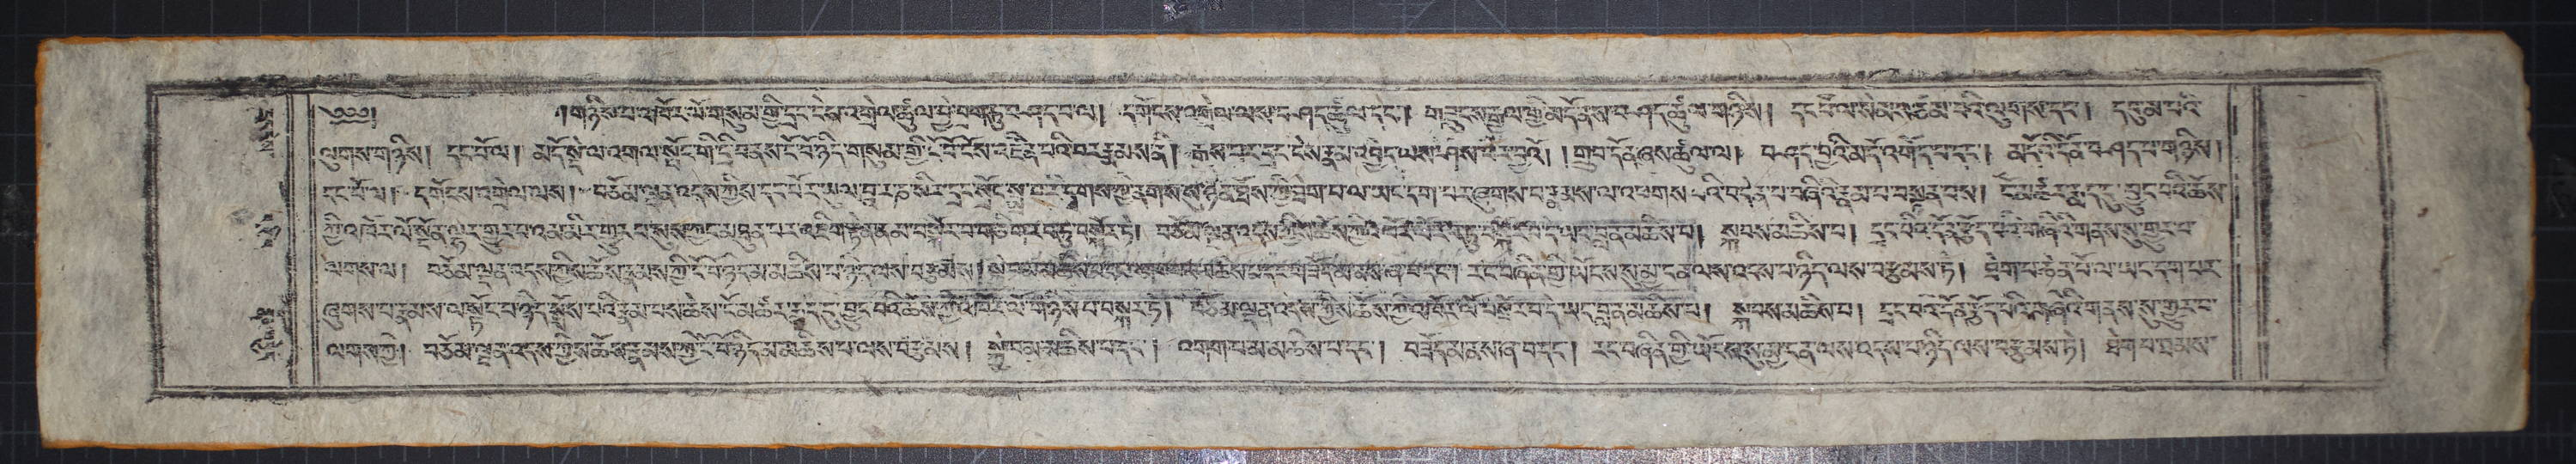༄༅། །གཉིས་པ་འཁོར་ལོ་གསུམ་གྱི་དྲང་ངེས་འགྲེལ་ཚུལ་བྱེ་བྲག་ཏུ་བཤད་པ་ལ། དགོངས་འགྲེལ་ལས་བཤད་ཚུལ་དང་། གཟུངས་རྒྱལ་གྱི་མདོ་ནས་བཤད་ཚུལ་གཉིས། དང་པོ་ལ་སེམས་ཙམ་པའི་ལུགས་དང་། དབུ་མ་པའི་
ལུགས་གཉིས། དང་པོ་ལ། མདོ་སྡེ་ལ་འགལ་སྤོང་གི་དྲི་བ་ནས་ངོ་བོ་ཉིད་གསུམ་གྱི་ངོ་བོ་ངོས་འཛིན་པའི་བར་རྣམས་ནི། རྒྱས་པར་དྲང་ངེས་རྣམ་འབྱེད་ལས་ཤེས་པར་བྱའོ། །གྲུབ་དོན་ཞུས་ཚུལ་ལ། བཤད་བྱའི་མདོ་འགོད་པ་དང་། མདོའི་དོན་བཤད་པ་གཉིས།
དང་པོ་ལ། དགོངས་འགྲེལ་ལས། བཅོམ་ལྡན་འདས་ཀྱིས་དང་པོར་ཡུལ་ཝཱ་ར་ཎ་སིར་དྲང་སྲོང་སྨྲ་བ་རི་དྭགས་ཀྱི་ནགས་སུ་ཉན་ཐོས་ཀྱི་ཐེག་པ་ལ་ཡང་དག་པར་ཞུགས་པ་རྣམས་ལ་འཕགས་པའི་བདེན་པ་བཞིའི་རྣམ་པ་བསྟན་པས། ངོ་མཚར་རྨད་དུ་བྱུང་བའི་ཆོས་
ཀྱི་འཁོར་ལོ་སྔོན་ལྷར་གྱུར་པ་འམ་མིར་གྱུར་པ་སུས་ཀྱང་མཐུན་པར་འཇིག་རྟེན་ན་མ་བསྐོར་བ་གཅིག་རབ་ཏུ་བསྐོར་ཏེ། བཅོམ་ལྡན་འདས་ཀྱིས་ཆོས་ཀྱི་འཁོར་ལོ་རབ་ཏུ་བསྐོར་བ་དེ་ཡང་བླ་ན་མཆིས་པ། སྐབས་མཆིས་པ། དྲང་བའི་དོན་རྩོད་པའི་གཞིའི་གནས་སུ་གྱུར་པ་
ལགས་ལ། བཅོམ་ལྡན་འདས་ཀྱིས་ཆོས་རྣམས་ཀྱི་ངོ་བོ་ཉིད་མ་མཆིས་པ་ཉིད་ལས་བརྩམས། སྐྱེ་བ་མ་མཆིས་པ་དང་འགག་པ་མ་མཆིས་པ་དང་གཟོད་མ་ནས་ཞི་བ་དང་། རང་བཞིན་གྱི་ཡོངས་སུ་མྱ་ངན་ལས་འདས་པ་ཉིད་ལས་བརྩམས་ཏེ། ཐེག་པ་ཆེན་པོ་ལ་ཡང་དག་པར་
ཞུགས་པ་རྣམས་ལ་སྟོང་པ་ཉིད་སྨོས་པའི་རྣམ་པས་ཆེས་ངོ་མཚར་རྨད་དུ་བྱུང་བའི་ཆོས་ཀྱི་འཁོར་ལོ་གཉིས་པ་བསྐོར་ཏེ། བཅོམ་ལྡན་འདས་ཀྱིས་ཆོས་ཀྱི་འཁོར་ལོ་བསྐོར་བ་དེ་ཡང་བླ་ན་མཆིས་པ། སྐབས་མཆིས་པ། དྲང་བའི་དོན་རྩོད་པའི་གཞིའི་གནས་སུ་གྱུར་པ་
ལགས་ཀྱི། བཅོམ་ལྡན་འདས་ཀྱིས་ཆོས་རྣམས་ཀྱི་ངོ་བོ་ཉིད་མ་མཆིས་པ་ལས་བརྩམས། སྐྱེ་བ་མ་མཆིས་པ་དང་། འགག་པ་མ་མཆིས་པ་དང་། བཟོད་མ་ནས་ཞི་བ་དང་། རང་བཞིན་གྱི་ཡོངས་སུ་མྱ་ངན་ལས་འདས་པ་ཉིད་ལས་བརྩམས་ཏེ། ཐེག་པ་ཐམས་